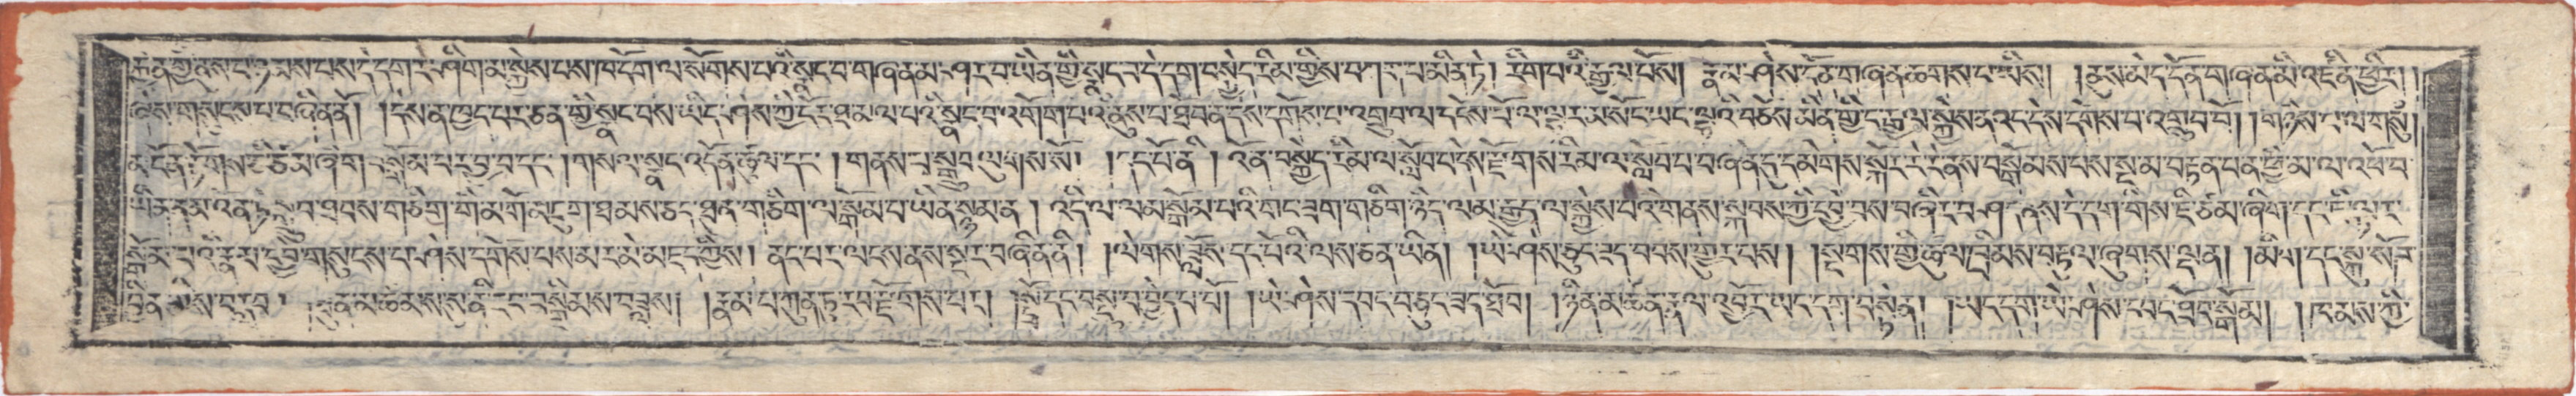རྐྱེན་གྱི་ནུས་པ་ཉམས་པས་དེ་དག་རེ་ཤིག་མ་སྐྱེས་པས་ཁ་དོག་ལ་སོགས་པའི་སྣང་བ་གཞན་མ་ཤར་བ་ཡིན་གྱི་སྣང་བ་དེ་དག་བསྐྱེད་རིམ་གྱིས་བཀག་པ་མིན་ཏེ། རིག་པའི་རྒྱལ་པོས། རྣམ་ཤེས་དོན་གཞན་ཆགས་པ་ཡིས། །ནུས་མེད་དོན་གཞན་མི་འཛིན་ཕྱིར། །
ཞེས་གསུངས་པ་བཞིན་ནོ། །དེས་ན་ཁྱད་པར་ཅན་གྱི་སྣང་བས་ཡིད་ཤེས་ཀྱི་ངོར་ཐ་མལ་པའི་སྣང་བ་འགོག་པའི་ནུས་པ་ཐོབ་ན་དེས་དགོས་པ་འགྲུབ་ལ་དངོས་པོ་ལ་ལྷར་མ་སོང་ཡང་ལྷའི་བཅོས་མིན་གྱི་ང་རྒྱལ་སྐྱེས་ནའང་དེས་དགོས་པ་འགྲུབ་བོ། །གཉིས་པ་ལ་གསུམ།
མངོན་རྟོགས་ཅི་ཙམ་ཞིག་བསྒོམ་པར་བྱ་བ་དང་། གསལ་སྣང་འདོན་ཚུལ་དང་། གནས་པ་སྒྲུབ་ལུགས་སོ། །དང་པོ་ནི། འོ་ན་བསྐྱེད་རིམ་ལ་སློབ་པ་དེས་རྫོགས་རིམ་ལ་སློབ་པ་བཞིན་དུ་དམིགས་སྐོར་རེ་རེ་ནས་བསྒོམས་པས་སྔ་མ་བརྟན་པ་ན་ཕྱི་མ་ལ་འཕོ་བ་
ཡིན་ནམ་འོན་ཏེ་སྒྲུབ་ཐབས་གཅིག་གི་མགོ་མཇུག་ཐམས་ཅད་ཐུན་གཅིག་ལ་སྒོམ་པ་ཡིན་སྙམ་ན། འདི་ལ་ལམ་སྒོམ་པའི་གང་ཟག་གཅིག་ཉིད་ལམ་རྒྱུད་ལ་སྐྱེས་པའི་གནས་སྐབས་ཀྱི་དབྱེ་བས་བཞིར་བཤད་ནས་དེ་དག་གིས་ཇི་ཙམ་ཞིག་དང་ཇི་ལྟར་
སྒོམ་པའི་རྣམ་དབྱེ་གསུངས་པ་ཤེས་དགོས་པས་མར་མེ་མཛད་ཀྱིས། ནང་པར་ལངས་ནས་སྔར་བཞིན་ནི། །ལེགས་ཟློས་དང་པོའི་ལས་ཅན་ཡིན། །ཡེ་ཤེས་ཅུང་ཟད་བབས་གྱུར་པས། །སྔགས་གྱི་ཚུལ་ཁྲིམས་བརྟུལ་ཞུགས་ལྡན། །མིག་དང་སྐུ་སོགས་
བྱིན་གྱིས་བརླབ། །ཐུན་མཚམས་སུ་ནི་རབ་བསྒྲིམས་བཟླས། །རྣམ་པ་ཀུན་ཏུ་རབ་རྫོགས་པར། །སྤྲོ་དང་བསྡུ་བ་བྱེད་པ་པོ། །ཡེ་ཤེས་དབང་བ་ཅུང་ཟད་ཐོབ། །ཉིན་མཚན་རྣལ་འབྱོར་ཡང་དག་བསྟེན། །ཡང་དག་ཡེ་ཤེས་དབང་ཐོབ་སྒོམ། །ཁམས་ཀྱི་